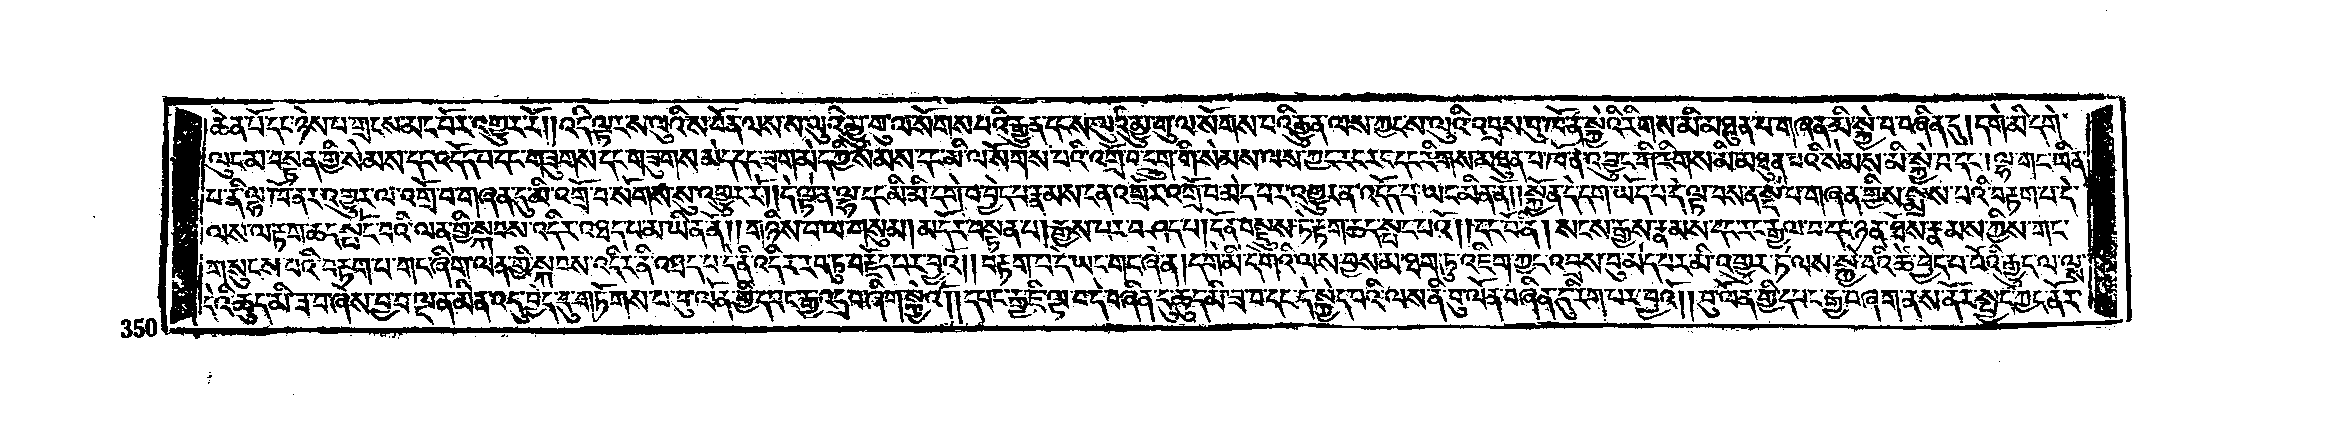ཆེན་པོ་དང་ཉེས་པ་གྲངས་མང་པོར་འགྱུར་རོ། །འདི་ལྟར་ས་ལུའི་ས་བོན་ལས་ས་ལུའི་མྱུ་གུ་ལ་སོགས་པའི་རྒྱུན་དང་ས་ལུའི་མྱུ་གུ་ལ་སོགས་པའི་རྒྱུན་ལས་ཀྱང་ས་ལུའི་འབྲས་བུ་ཁོ་ན་སྐྱེའི་རིགས་མི་མཐུན་པ་གཞན་མི་སྐྱེ་བ་བཞིན་དུ། དགེ་མི་དགེ་
ལུང་མ་བསྟན་གྱི་སེམས་དང་འདོད་པ་དང་གཟུགས་དང་གཟུགས་མེད་དང་ཟག་མེད་ཀྱི་སེམས་དང་མི་ལ་སོགས་པའི་འགྲོ་བ་དྲུག་གི་སེམས་ལས་ཀྱང་རང་རང་དང་རིགས་མཐུན་པ་ཁོ་ན་འབྱུང་གི་རིགས་མི་མཐུན་པའི་སེམས་མི་སྐྱེ་བ་དང་། ལྷ་གང་ཡིན་
པ་ནི་ལྷ་ཁོ་ནར་འགྱུར་ལ་འགྲོ་བ་གཞན་དུ་མི་འགྲོ་བ་སོགས་སུ་འགྱུར་རོ། །དེ་ལྟ་ན་ལྷ་དང་མི་དགེ་བ་བྱེད་པ་རྣམས་ངན་འགྲོར་འགྲོ་བ་མེད་པར་འགྱུར་ན་འདོད་པ་ཡང་མིན་ནོ། །སྐྱོན་དེ་དག་ཡོད་པ་དེ་ལྟ་བས་ན་སྡེ་པ་གཞན་གྱིས་སྨྲས་པའི་བརྟག་པ་དེ་
ལས་ལ་རྟག་ཆད་སྤོང་བའི་ལན་གྱི་སྐབས་འདིར་འཐད་པ་མ་ཡིན་ནོ། །གཉིས་པ་ལ་གསུམ། མདོར་བསྟན་པ། རྒྱས་པར་བཤད་པ། དོན་བསྡུས་ཏེ་རྟག་ཆད་སྤང་པའོ། །དང་པོ་ནི། སངས་རྒྱས་རྣམས་དང་རང་རྒྱལ་བ་དང་ཉན་ཐོས་རྣམས་ཀྱིས་གང་
གསུངས་པའི་བརྟག་པ་གང་ཞིག་ལན་གྱི་སྐབས་འདིར་ནི་འཐད་པ་དེ་ནི་འདིར་རབ་ཏུ་བརྗོད་པར་བྱའོ། །བརྟག་པ་དེ་ཡང་གང་ཞེ་ན། དགེ་མི་དགེའི་ལས་བྱས་མ་ཐག་ཏུ་འཇིག་ཀྱང་འབྲས་བུ་མེད་པར་མི་འགྱུར་ཏེ་ལས་སྐྱེ་བའི་ཚེ་བྱེད་པ་པོའི་རྒྱུད་ལ་ལས་
དེའི་ཆུད་མ་ཟ་བ་ཞེས་བྱ་བ་ལྡན་མིན་འདུ་བྱེད་དུ་གཏོགས་པ་བུ་ལོན་གྱི་དབང་རྒྱ་འདྲ་བ་ཞིག་སྐྱེའོ། །དབང་རྒྱ་ཇི་ལྟ་བ་དེ་བཞིན་དུ་ཆུད་མི་ཟ་བ་དང་དེ་སྐྱེད་པའི་ལས་ནི་བུ་ལོན་བཞིན་དུ་རིག་པར་བྱའོ། །བུ་ལོན་གྱི་དབང་རྒྱ་བཞག་ནས་ནོར་སྤྱད་ཀྱང་ནོར་